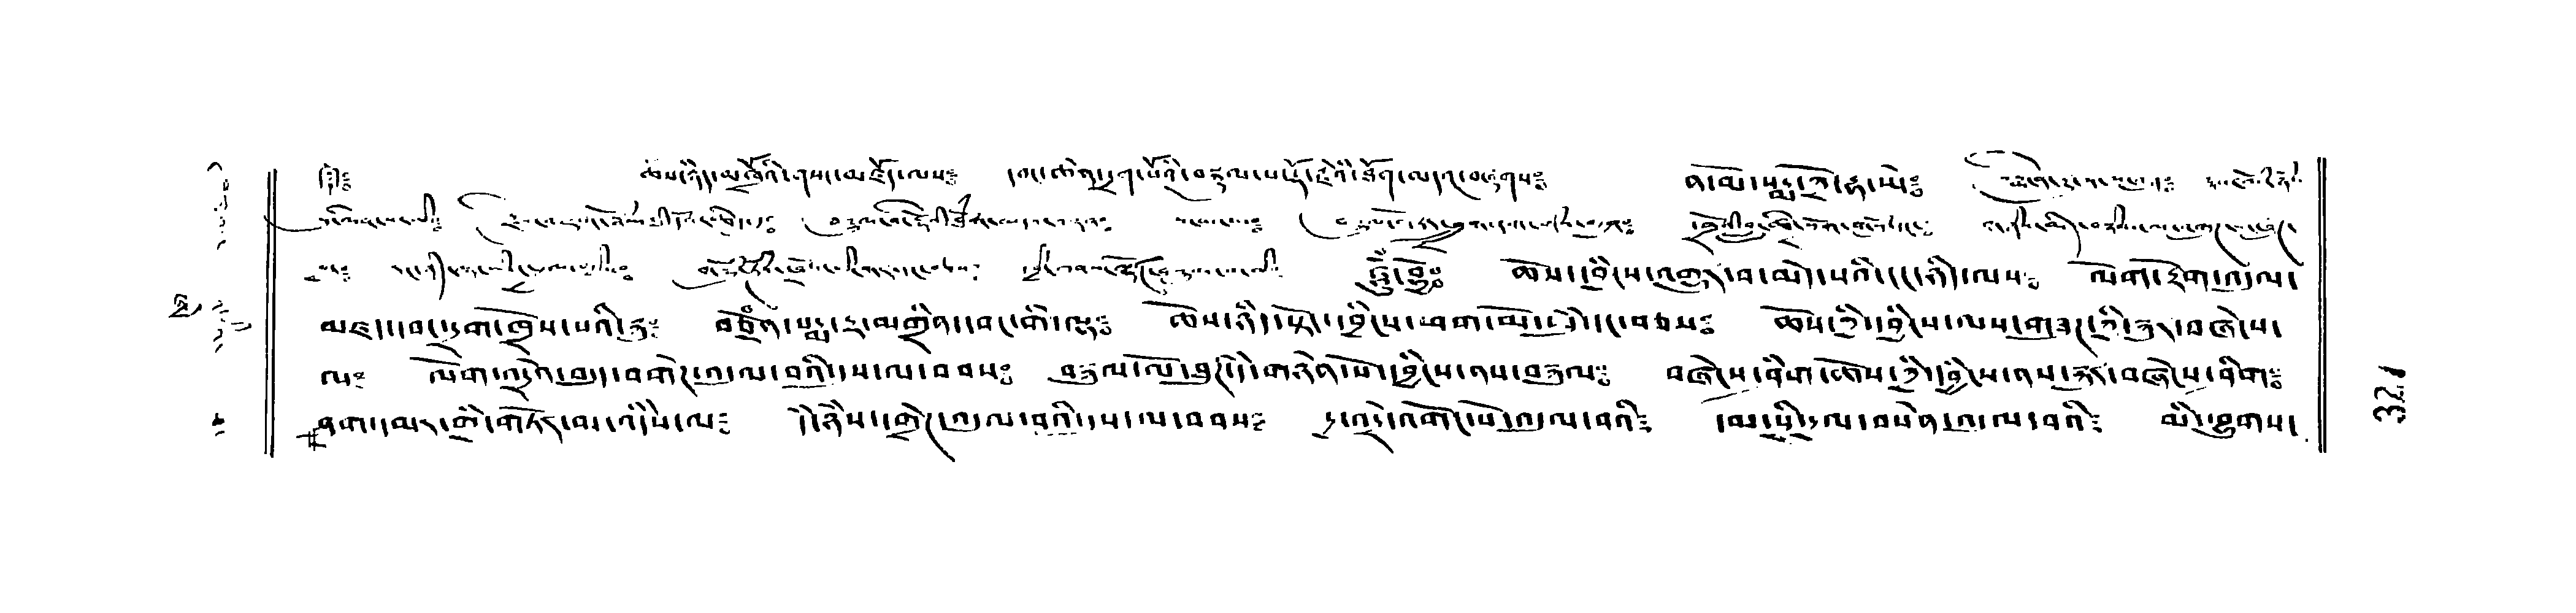ཆོས་ཉིད་མཁའ་འགྲོའི་གསང་མཛོད་ལས༔ དབང་ཆེན་དྲག་པོའི་བསྐུལ་པ་རྡོ་རྗེའི་ཐོག་མདའ་བཞུགས༔ ན་མོ་པདྨ་ཀྲོ་དྷ་ཡེ༔ པདྨ་ཧེ་རུ་ཀ་ལ་འདུད༔ ཟབ་ལམ་ཉམས་
སུ་ལེན་པ་ཡི༔ རྗེས་འཇུག་རྣམས་ཀྱི་དོན་ཆེད་དུ༔ བསྐུལ་བ་རྡོ་རྗེའི་ཐོག་མདའ་བསྟན༔ ས་མ་ཡ༔ བསྐུལ་གཏོར་ཤ་ཁྲག་དག་གིས་བརྒྱན༔ དགྲ་བོའི་བླ་ཚེ་སྲོག་གསུམ་དང༔ གཉིས་མེད་བསྟིམ་ལ་འགུགས་ཞུག་
བྱ༔ རང་ཉིད་ལྷ་ཡི་ང་རྒྱལ་གྱིས༔ གསུམ་རྔམས་ཁྲོས་པའི་གར་དང་བཅས༔ དབྱིངས་ནས་ལྷ་ཚོགས་སྐུལ་བ་ནི༔ ཧཱུྃ་བྷྱོ༔ ཆོས་དབྱིངས་འགྱུར་བ་མེད་པའི་ངང་ཉིད་ལས༔ ལོག་རྟོག་འདུལ་
མཛད་དབང་དྲག་ཁྲོས་པའི་སྐུ༔ བཅོམ་ལྡན་པདྨ་རྟ་མགྲིན་དབང་གི་ལྷ༔ ཆོས་ཉིད་སྟོང་དབྱིངས་ཕག་མོ་ཡུམ་དང་བཅས༔ ཆོས་ཀྱི་དབྱིངས་ལས་གཟུགས་ཀྱི་སྐུར་བཞེངས་
ལ༔ ལོག་འདྲེན་བདུད་བགེགས་འདུལ་བའི་དུས་ལ་བབས༔ བསྐུལ་ལོ་ཐུགས་དམ་གཉེན་པོ་དབྱིངས་ནས་བསྐུལ༔ བཞེངས་ཤིག་ཆོས་ཀྱི་དབྱིངས་ནས་སྐུར་བཞེངས་ཤིག༔ 
ཤ་ཁྲག་དམར་གྱི་གཏོར་མ་འདི་བཞེས་ལ༔ དམ་ཉམས་དགྲ་བགེགས་འདུལ་བའི་དུས་ལ་བབས༔ རྒྱ་འདྲེ་འགོང་པོ་འདུལ་བའི༴ དམ་སྲི་རྒྱལ་བསེན་འདུལ་བའི༴ མི་ཕྱུགས་